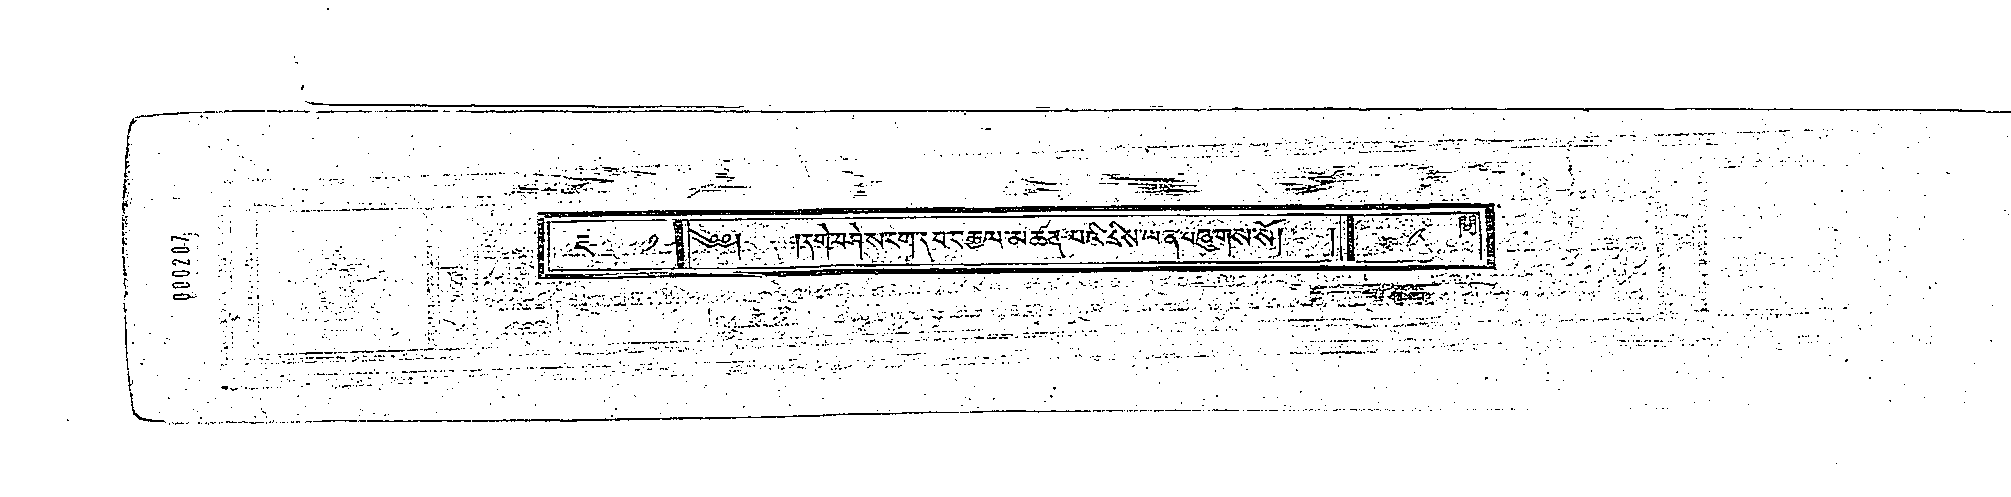ང༩?
ཇ ༡་༄༅། །དགེ་བཤེས་ངག་དབང་རྒྱལ་མཚན་པའི་དྲིས་ལན་བཞུགས་སོ། །